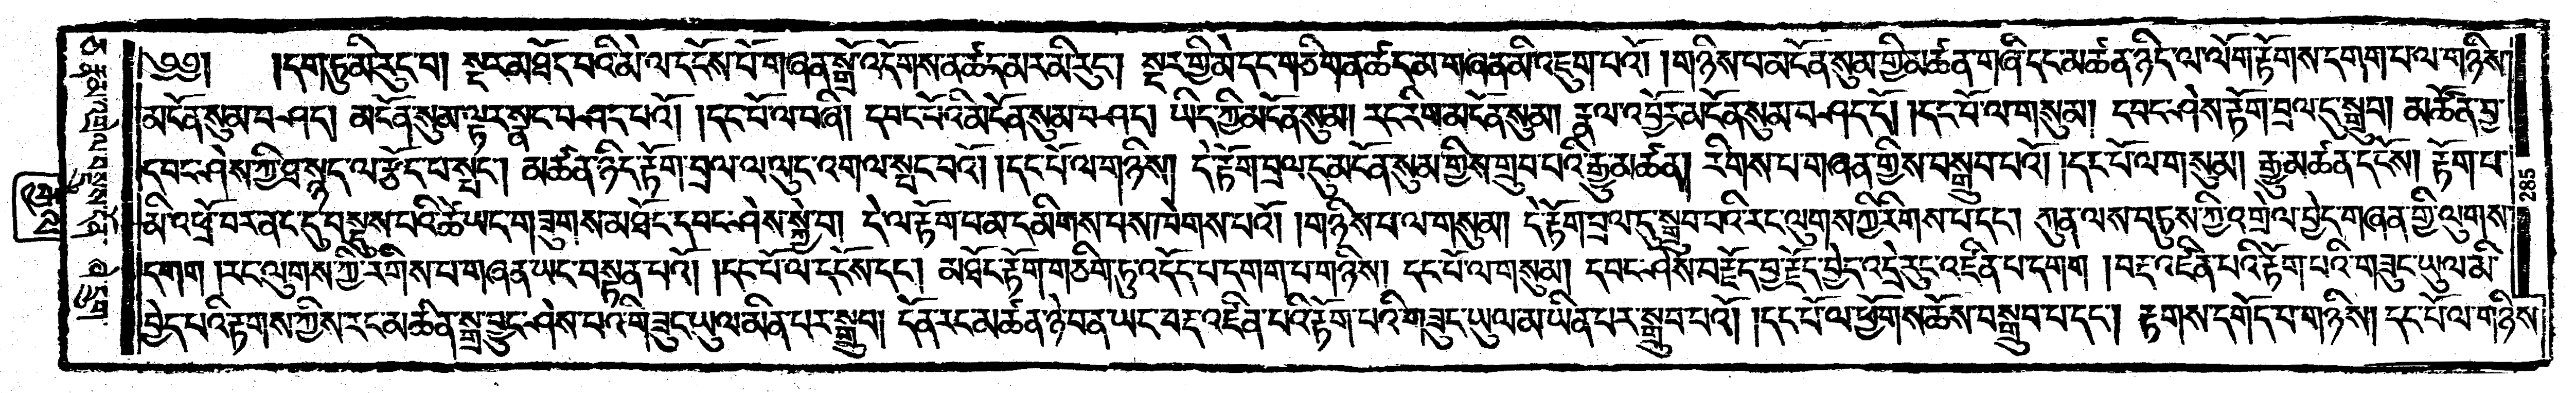༄༅། །དག་ཏུ་མི་རུང་བ། སྔར་མཐོང་བའི་མེ་ལ་དངོས་པོ་གཞན་སྒྲོ་འདོགས་ན་ཚད་མར་མི་རུང་། སྔར་གྱི་མེ་དང་གཅིག་ན་ཚད་མ་གཞན་མི་འཇུག་པའོ། །གཉིས་པ་མངོན་སུམ་གྱི་མཚན་གཞི་དང་མཚན་ཉིད་ལ་ལོག་རྟོགས་དགག་པ་ལ་གཉིས་
མངོན་སུམ་བཤད། མངོན་སུམ་ལྟར་སྣང་བཤད་པའོ། །དང་པོ་ལ་བཞི། དབང་པོའི་མངོན་སུམ་བཤད། ཡིད་ཀྱི་མངོན་སུམ། རང་རིག་མངོན་སུམ། རྣལ་འབྱོར་མངོན་སུམ་བཤད་དོ། །དང་པོ་ལ་གསུམ། དབང་ཤེས་རྟོག་བྲལ་དུ་སྒྲུབ། མཚོན་བྱ་
དབང་ཤེས་ཀྱི་ཐ་སྙད་ལ་རྩོད་པ་སྤང་། མཚན་ཉིད་རྟོག་བྲལ་ལ་ལུང་འགལ་སྤང་བའོ། །དང་པོ་ལ་གཉིས། དེ་རྟོག་བྲལ་དུ་མངོན་སུམ་གྱིས་གྲུབ་པའི་རྒྱུ་མཚན། རིགས་པ་གཞན་གྱིས་བསྒྲུབ་པའོ། །དང་པོ་ལ་གསུམ། རྒྱུ་མཚན་དངོས། རྟོག་པ་
མི་འཕྲོ་བར་ནང་དུ་བསྡུས་པའི་ཚེ་ཡང་གཟུགས་མཐོང་དབང་ཤེས་སྐྱེ་བ། དེ་ལ་རྟོག་པ་མ་དམིགས་པས་ཁེགས་པའོ། །གཉིས་པ་ལ་གསུམ། དེ་རྟོག་བྲལ་དུ་སྒྲུབ་པའི་རང་ལུགས་ཀྱི་རིགས་པ་དང་། ཀུན་ལས་བཏུས་ཀྱི་འགྲེལ་བྱེད་གཞན་གྱི་ལུགས་
དགག །རང་ལུགས་ཀྱི་རིགས་པ་གཞན་ཡང་བསྟན་པའོ། །དང་པོ་ལ་དངོས་དང་། མཐོང་རྟོག་གཅིག་ཏུ་འདོད་པ་དགག་པ་གཉིས། དང་པོ་ལ་གསུམ། དབང་ཤེས་བརྗོད་བྱ་རྗོད་བྱེད་འདྲེ་རུང་འཛིན་པ་དགག །བརྡ་འཛིན་པའི་རྟོག་པའི་གཟུང་ཡུལ་མི་
བྱེད་པའི་རྟགས་ཀྱིས་རང་མཚན་སྒྲ་བྱུང་ཤེས་པའི་གཟུང་ཡུལ་མིན་པར་སྒྲུབ། དོན་རང་མཚན་ཉེ་བ་ན་ཡང་བརྡ་འཛིན་པའི་རྟོག་པའི་གཟུང་ཡུལ་མ་ཡིན་པར་སྒྲུབ་པའོ། །དང་པོ་ལ་ཕྱོགས་ཆོས་བསྒྲུབ་པ་དང་། རྟགས་དགོད་པ་གཉིས། དང་པོ་ལ་གཉིས་